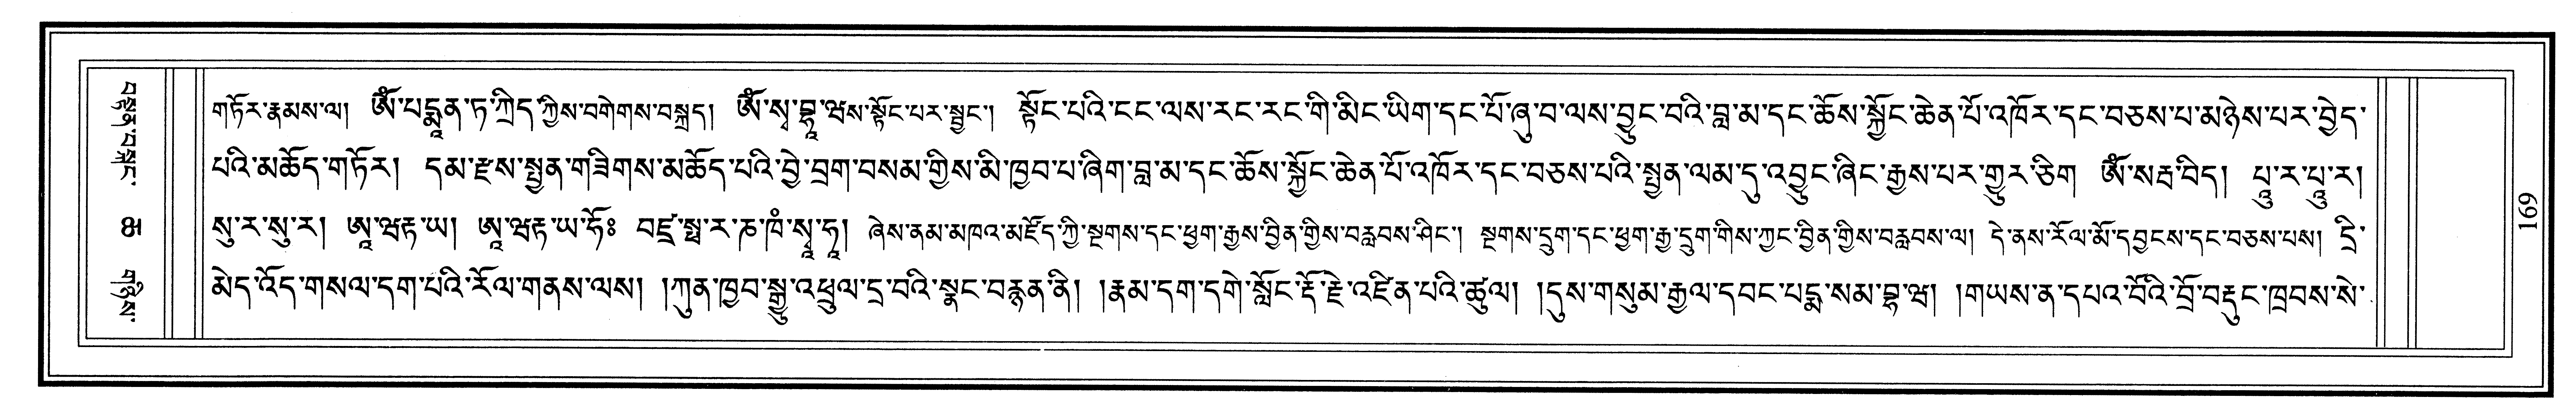༄༅། །གཏོར་རྣམས་ལ། ཨོཾ་པདམཱན་ཏ་ཀྲིད་ཀྱིས་བགེགས་བསྐྲད། ཨོཾ་སྭ་བྷཱ་ཝས་སྟོང་པར་སྦྱང་། སྟོང་པའི་ངང་ལས་རང་རང་གི་མིང་ཡིག་དང་པོ་ཞུ་བ་ལས་བྱུང་བའི་བླ་མ་དང་ཆོས་སྐྱོང་ཆེན་པོ་འཁོར་དང་བཅས་པ་མཉེས་པར་བྱེད་
པའི་མཆོད་གཏོར། དམ་རྫས་སྤྱན་གཟིགས་མཆོད་པའི་བྱེ་བྲག་བསམ་གྱིས་མི་ཁྱབ་པ་ཞིག་བླ་མ་དང་ཆོས་སྐྱོང་ཆེན་པོ་འཁོར་དང་བཅས་པའི་སྤྱན་ལམ་དུ་འབྱུང་ཞིང་རྒྱས་པར་གྱུར་ཅིག་ཨོཾ་སརྦ་བིད། པཱུ་ར་པཱུ་ར།
སུ་ར་སུ་ར། ཨཱ་ཝརྟ་ཡ། ཨཱ་ཝརྟ་ཡ་ཧོཿ བཛྲ་སྥ་ར་ཎ་ཁཾ་སྭཱ་ཧཱ། ཞེས་ནམ་མཁའ་མཛོད་ཀྱི་སྔགས་དང་ཕྱག་རྒྱས་བྱིན་གྱིས་བརླབས་ཤིང་། སྔགས་དྲུག་དང་ཕྱག་རྒྱ་དྲུག་གིས་ཀྱང་བྱིན་གྱིས་བརླབས་ལ། དེ་ནས་རོལ་མོ་དབྱངས་དང་བཅས་པས། དྲི་
མེད་འོད་གསལ་དག་པའི་རོལ་གནས་ལས། །ཀུན་ཁྱབ་སྒྱུ་འཕྲུལ་དྲ་བའི་སྣང་བརྙན་ནི། །རྣམ་དག་དགེ་སློང་རྡོ་རྗེ་འཛིན་པའི་ཚུལ། །དུས་གསུམ་རྒྱལ་དབང་པདམ་སམ་བྷ་ཝ། །གཡས་ན་དཔའ་བོའི་བྲོ་བརྡུང་ཁྲབས་སེ་